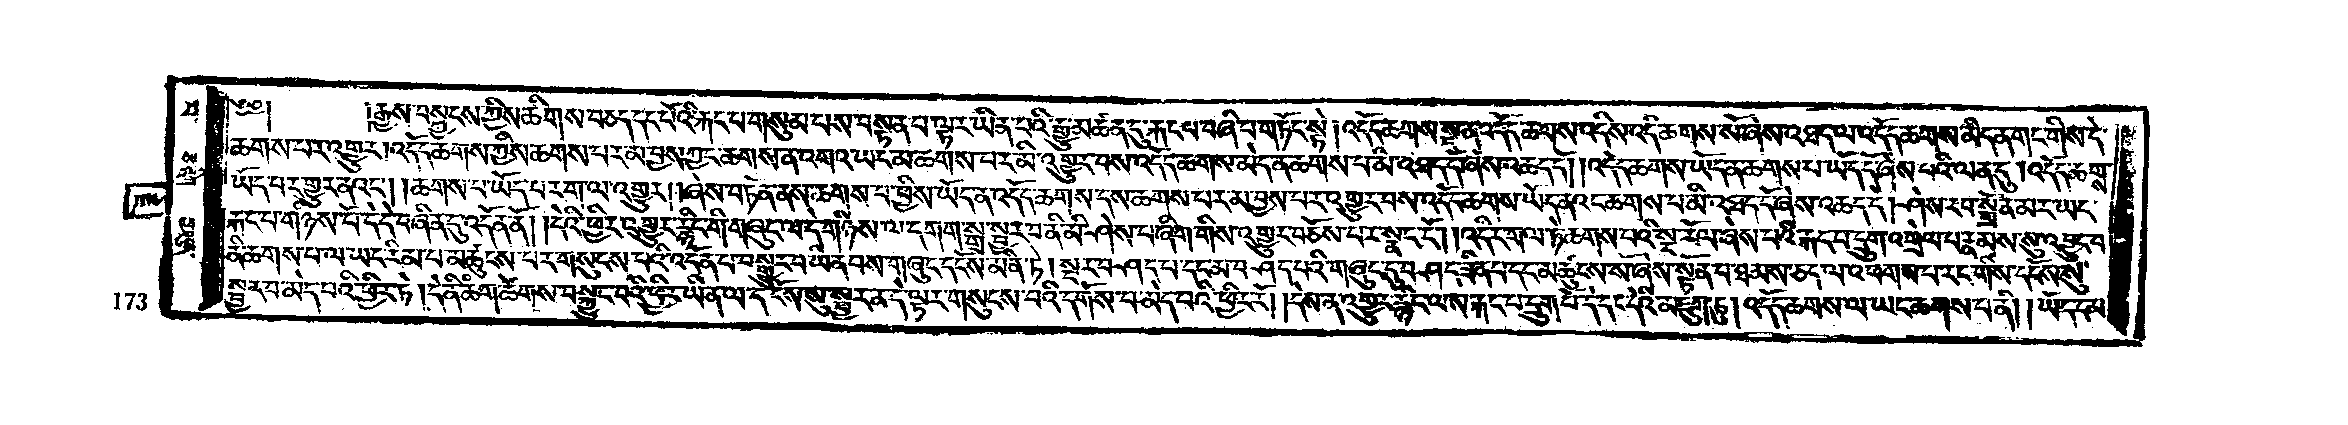༄༅། །རྒྱས་བསྐྱངས་ཀྱིས་ཚིགས་བཅད་དང་པོའི་རྐང་པ་གསུམ་པས་བསྟན་པ་ལྟར་ཡིན་པའི་རྒྱུ་མཚན་དུ་རྐང་པ་བཞིན་པ་གཏོང་སྟེ། འདོད་ཆགས་སྔ་ན་འདོད་ཆགས་འདིས་འདི་ཆགས་སོ་ཞེས་འཐད་ལ་འདོད་ཆགས་མེད་ན་གང་གིས་དེ་
ཆགས་པར་འགྱུར། །འདོད་ཆགས་ཀྱིས་ཆགས་པར་མ་བྱས་ཀྱང་ཆགས་ན་འགའ་ཟང་མ་ཆགས་པར་མི་འགྱུར་བས་འདོད་ཆགས་མེད་ན་ཆགས་པ་མི་འཐད་དོ་ཞེས་འཆད་དོ། །འདོད་ཆགས་ཡོད་ན་ཆགས་པ་ཡོད་དོ་ཞེས་པའི་ལན་དུ། འདོད་ཆགས་
ཡོད་པར་གྱུར་ནའང་། །ཆགས་པ་ཡོད་པར་ག་ལ་འགྱུར། །ཞེས་བཏོན་ནས་ཆགས་པ་ཕྱིས་ཡོད་ན་འདོད་ཆགས་དང་ཆགས་པར་མ་བྱས་པར་འགྱུར་པས་འདོད་ཆགས་ཡོད་ནའང་ཆགས་པའི་མི་འཐད་དོ་ཞེས་བྖད་དེ། ཤེས་རབ་སྔོན་མར་ཡང་
རྐང་པ་གཉིས་པོ་དེ་དེ་བཞིན་དུ་འདོན་ནོ། །དེའི་ཕྱིར་འགྱུར་རྙིང་གི་གཞུང་ལ་དེ་གཉི་ལ་དགག་སྒྲ་སྦྱར་བ་ནི་མི་ཤེས་པ་ཞིག་གིས་འགྱུར་བཅོས་པར་སྣང་ངོ། །འདིར་གལ་ཏེ་ཆགས་པའི་སྔ་རོལ་ཞེས་པའི་རྐང་པ་དྲུག་འགྲེལ་པ་རྣམས་སུ་འབྱུང་བ་
ནི་ཆགས་པ་ལ་ཡང་རིམ་པ་མཚུངས་པར་གསུངས་པའི་འདོན་པ་བསྐྱུར་བ་ཡིན་པས་གཞུང་དངོས་མིན་ཏེ། སྔར་བཤད་པ་དང་མ་བཤད་པའི་གཞུང་དུ་བཤད་ཟིན་པ་དང་མཚུངས་སོ་ཞེས་སྟོན་པ་ཐམས་ཅད་ལ་འཕགས་པ་རང་གིས་དངོས་སུ་
སྦྱར་བ་མེད་པའི་ཕྱིར་ཏེ། དེ་ནི་ཚིག་ཚེགས་བསྒྱུར་བའི་ཕྱིར་ཡིན་ལ་དངོས་སུ་སྦྱར་ན་དེ་ལྟར་གསུངས་པའི་དགོས་པ་མེད་པའི་ཕྱིར་རོ། །དེས་ན་འགྱུར་རྙིང་ལས་རྐང་པ་དྲུག་པོ་དེ་དང་དེའི་མཇུག་ཏུ། འདོད་ཆགས་ལ་ཡང་ཆགས་པ་ནི། །ཡོད་དམ་